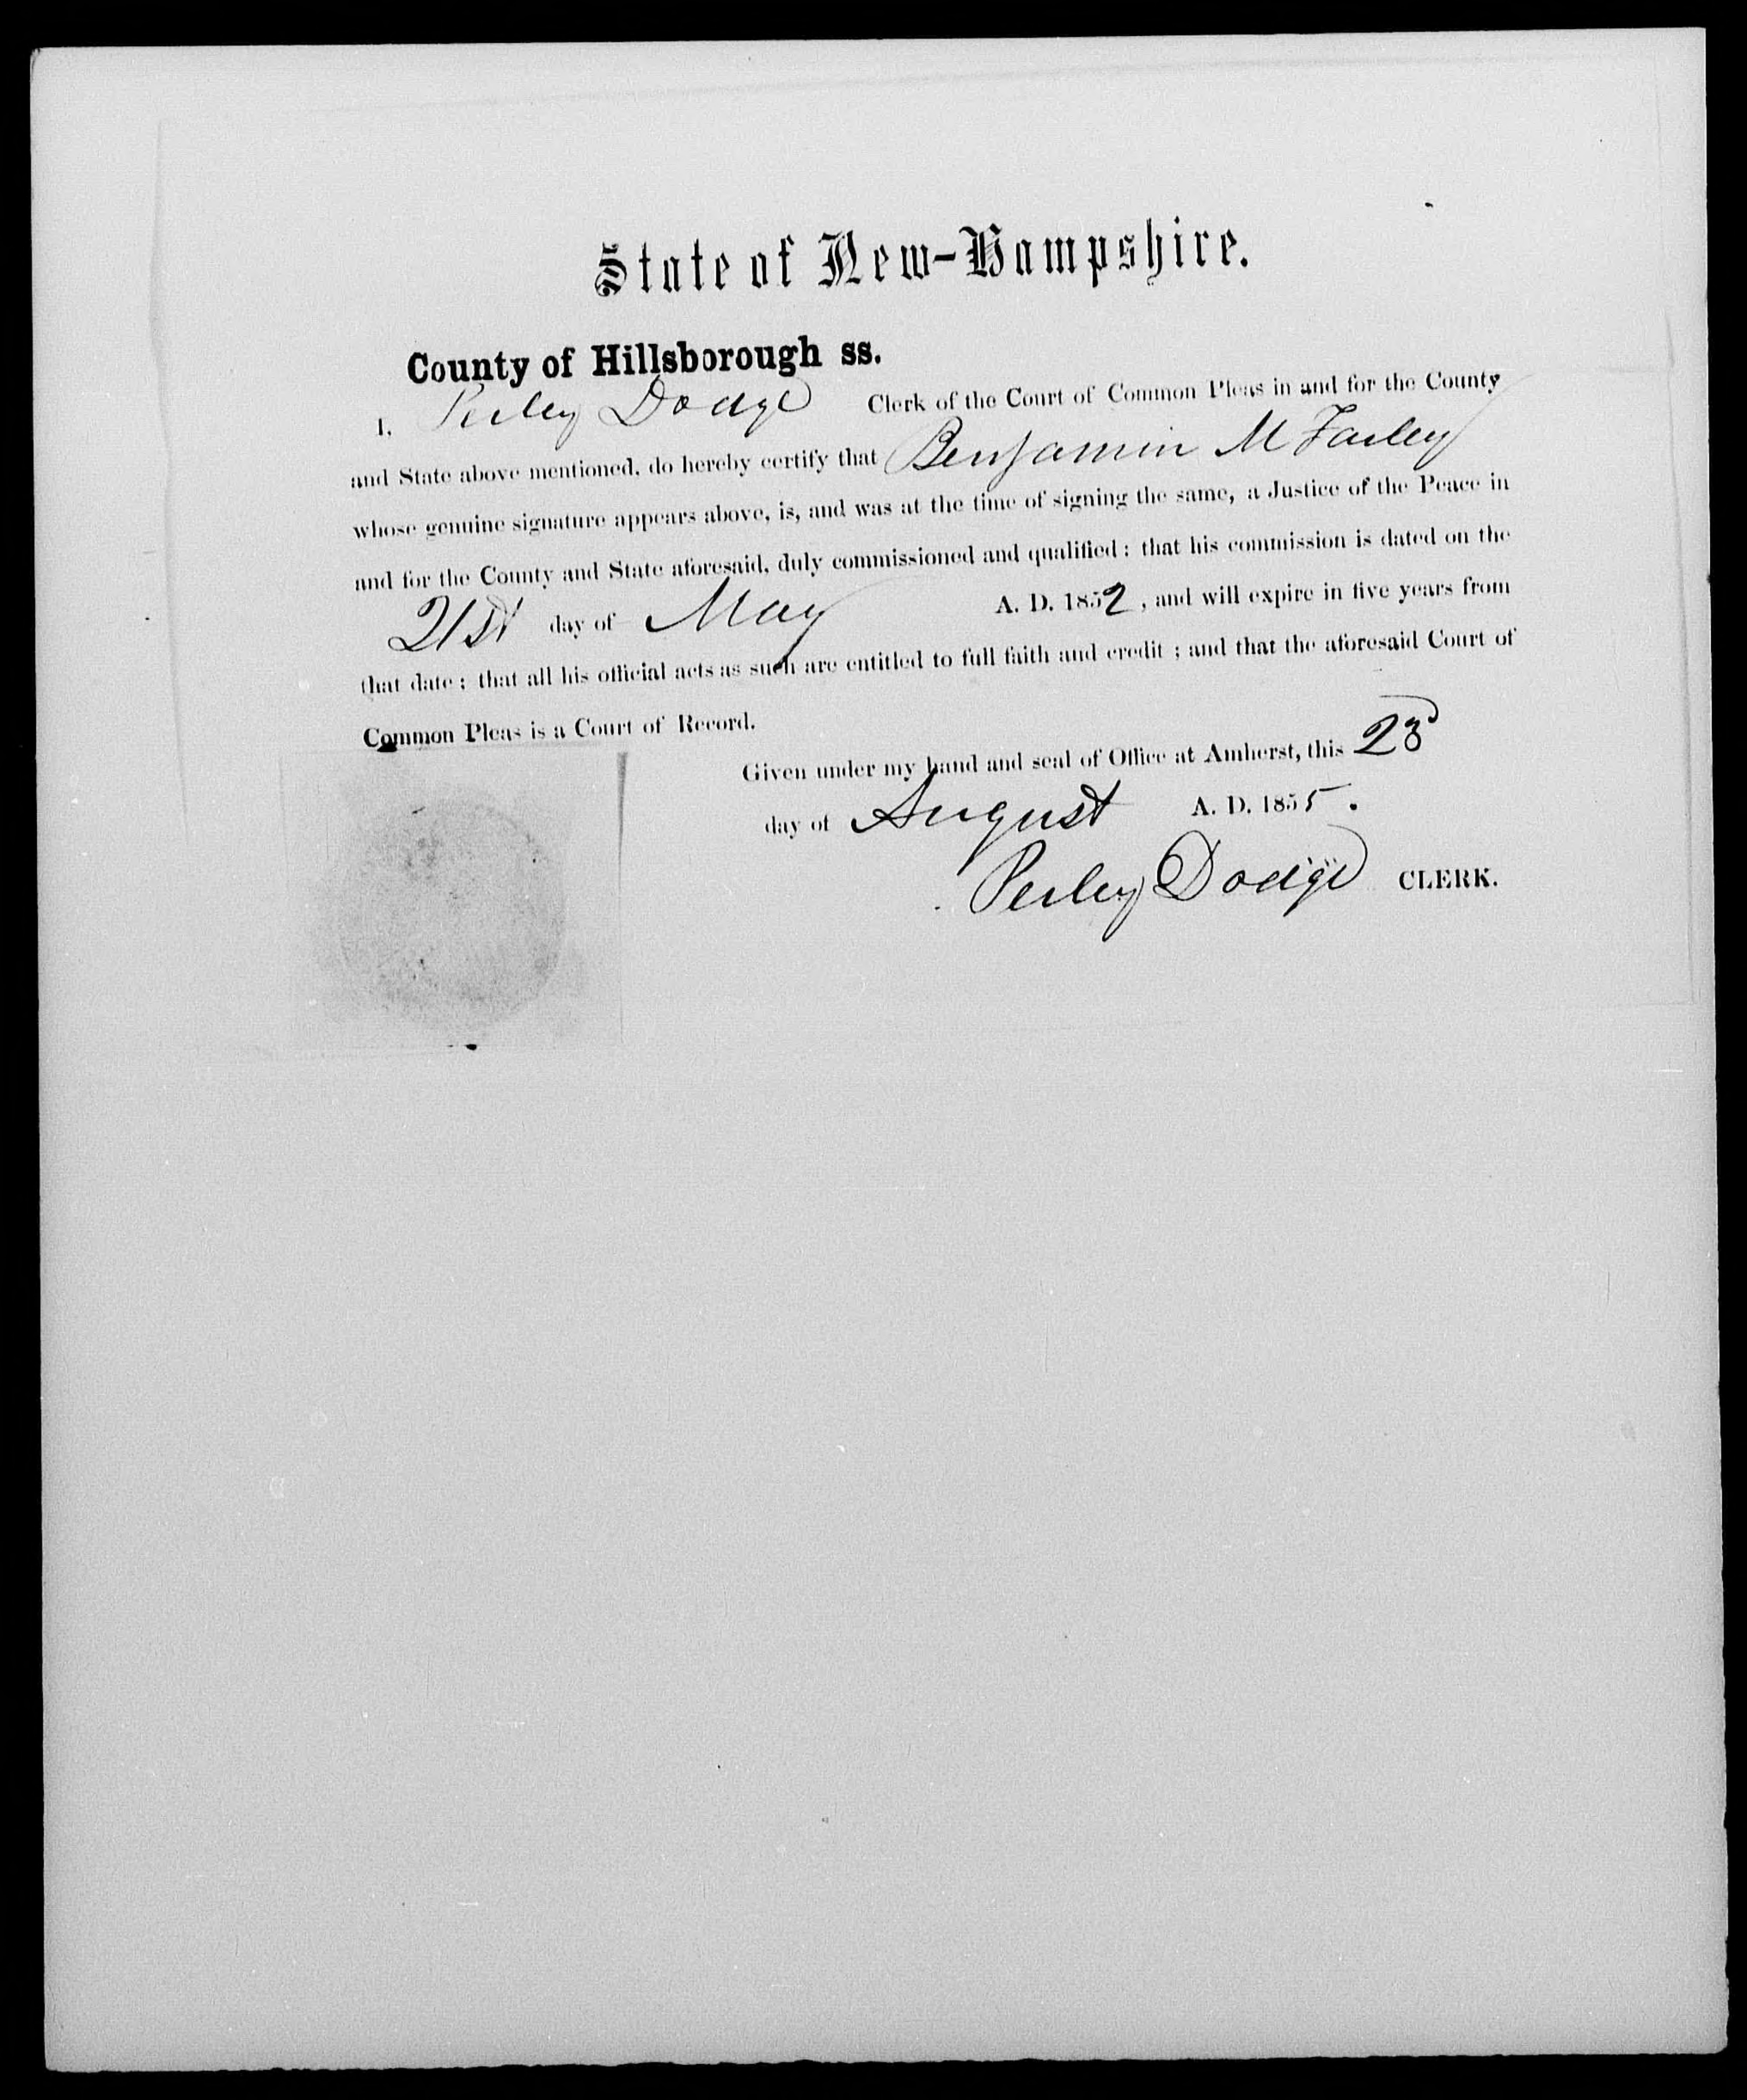State of New-Hampshire
County of Hillsborough ss.
I, Perley Dodge Clerk of the Court of Common Pleas in and for the County
and State above mentioned, do hereby certify that Benjamin M Farley
whose genuine signature appears above, is, and was at the time of signing the same, a Justice of the Peace in
and for the County and State aforesaid, duly commissioned and qualified: that his commission is dated on the
21st day of May A. D. 1852, and will expire in five years from that date : that all his official acts as such are entitled to full faith and credit ; and that the aforesaid Court of
Common Pleas is a Court of Record.
Given under my hand and seal of Office at Amherst, this 23d
day of August A. D. 1855.
Perley Dodge CLERK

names: Perley Dodge, Perley Dodge, Benjamin M Farley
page: 13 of 16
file: B. L. Wt, 36670-160-55, Abner Ball, Mass.